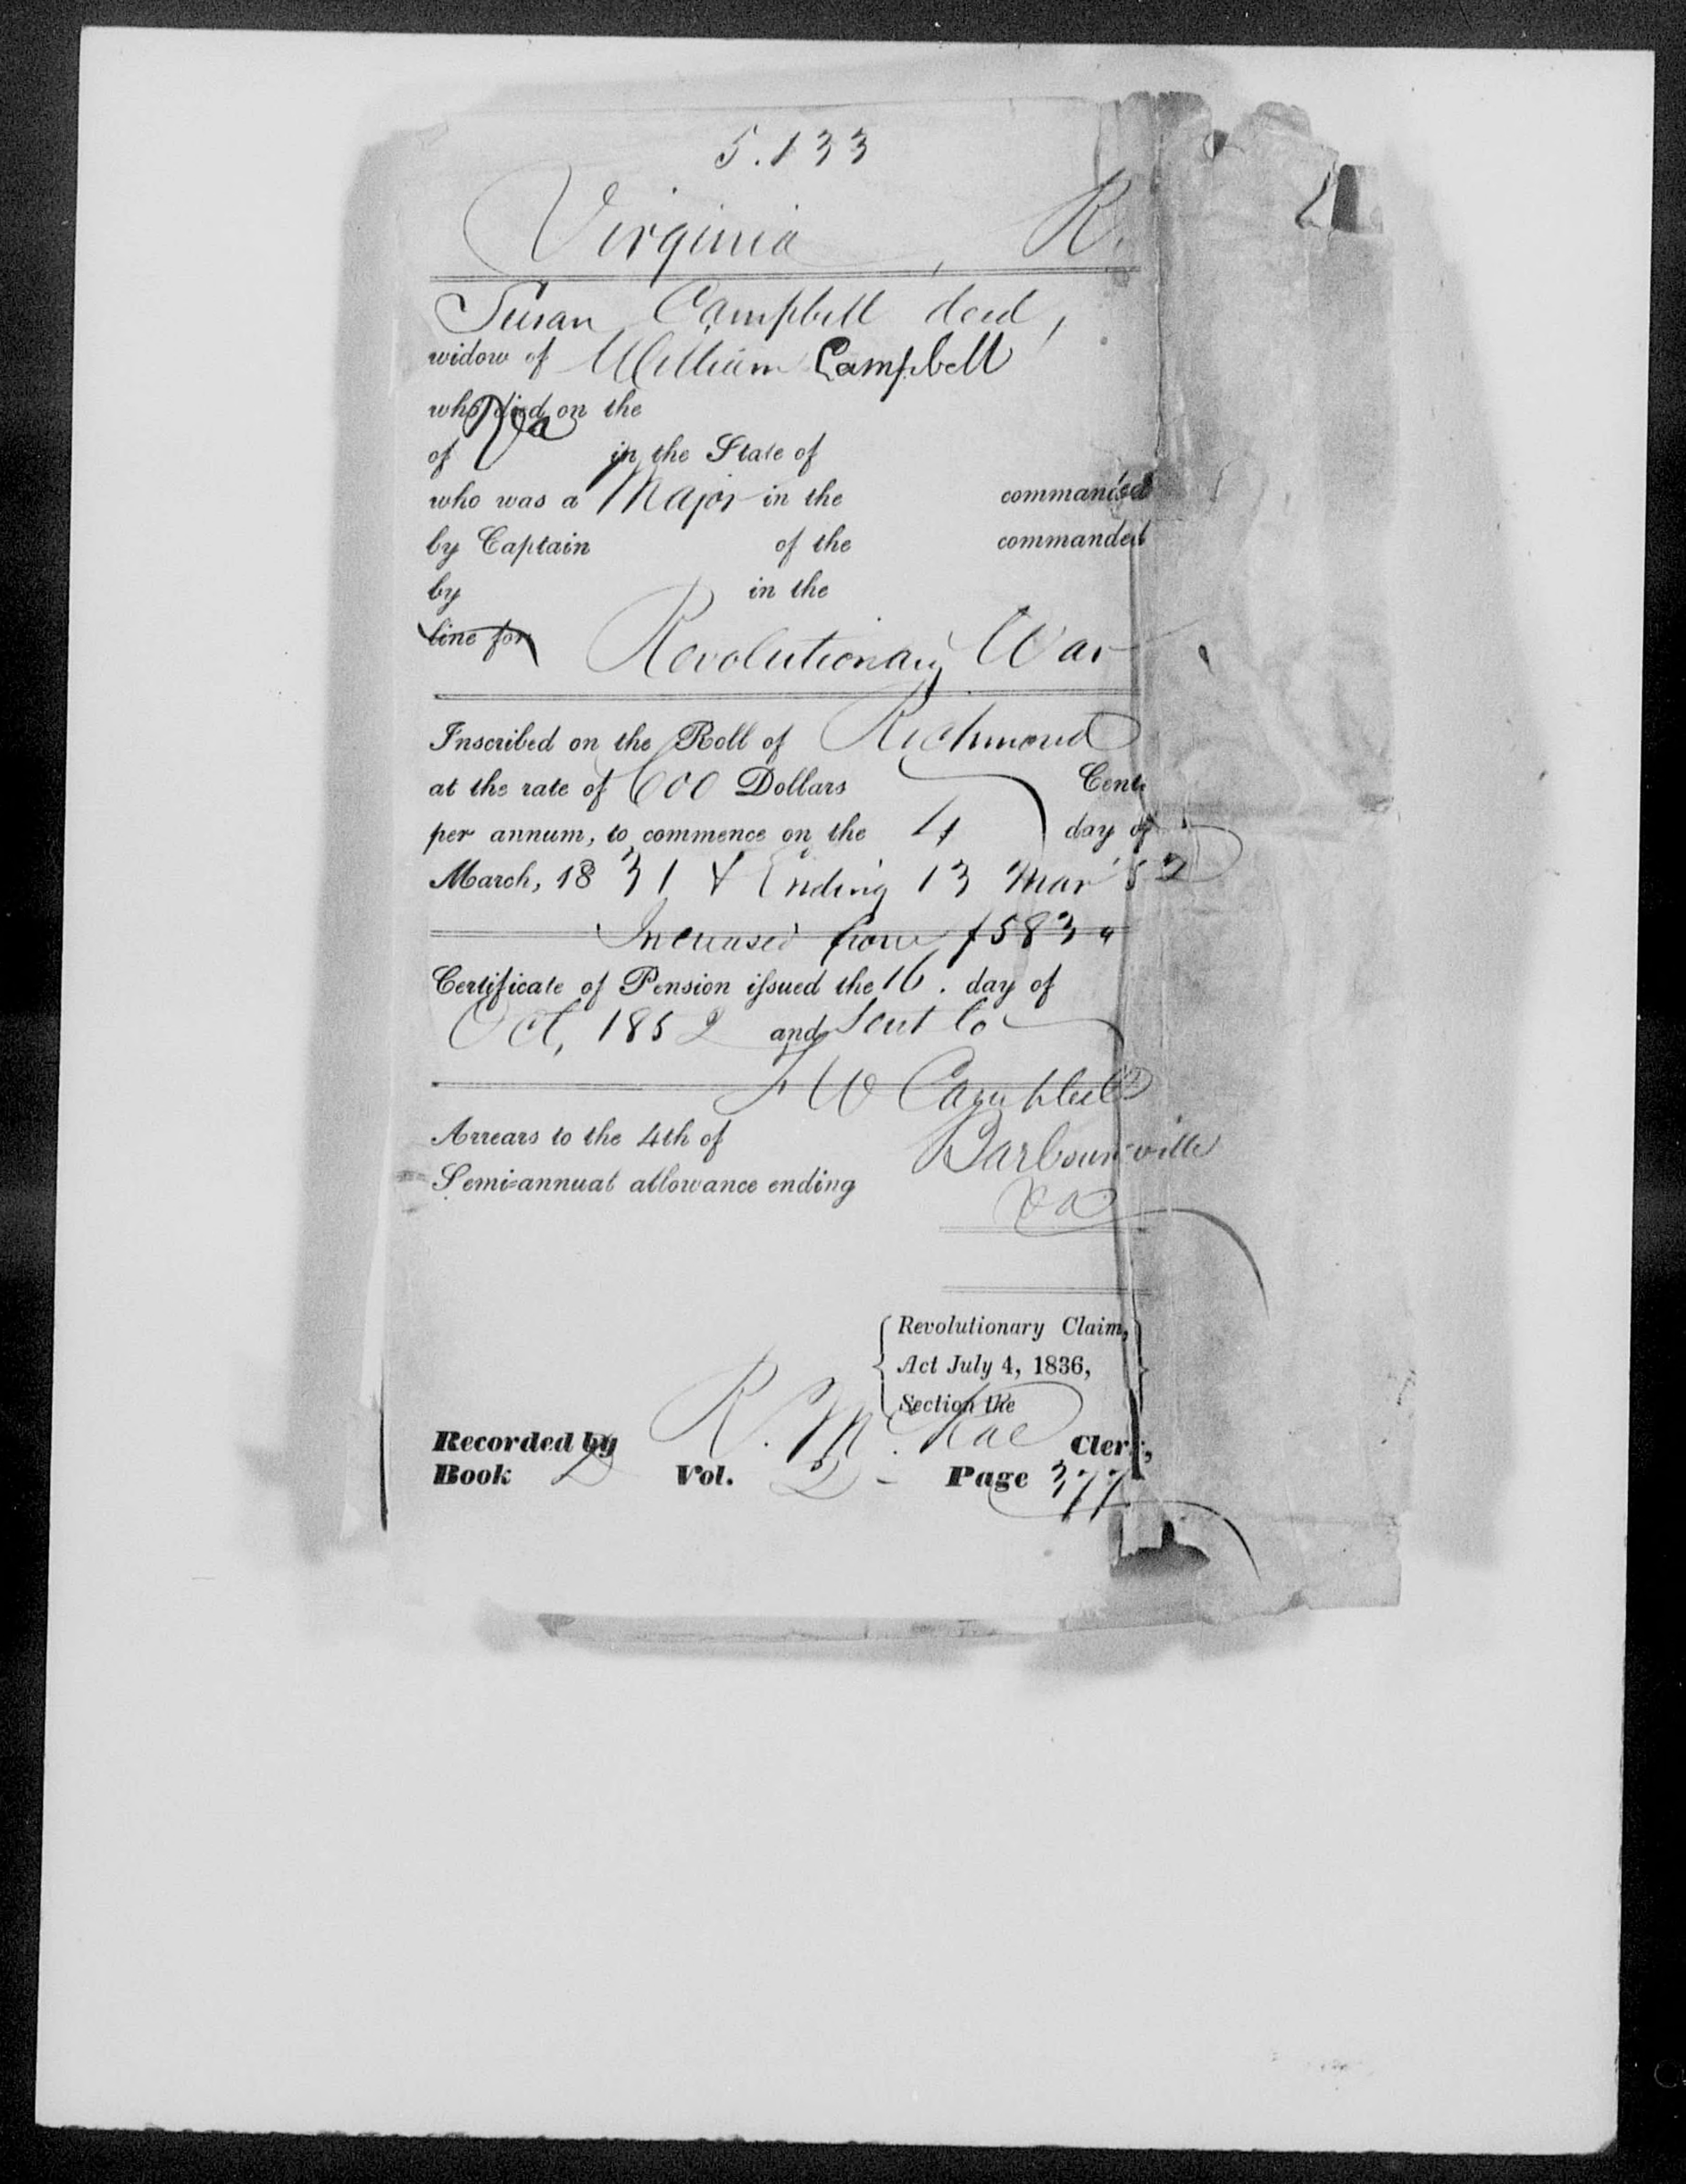5.133
Virginia    R.
[double horizontal lines across page]

Susan Campbell decd,
widow of William Campbell
who died on the 
of Va in the State of 
who was a Major in the              commanded
by Captain                   of the            commanded
by                    in the 
[cross out] line for [cross out end] Revolutionary War
[double horizontal lines across page]

Inscribed on the Roll of Richmond
at the rate of 600 Dollars _________ Cents
per annum, to commence on the 4 day of 
March, 1831 +[and} Ending 13 Mar '52
Increased from $583   [another number looks like subscript 9]
[double horizontal lines across page]

Certificate of Pension issued the 16. day of
Oct, 1852 and Sent to J W Campbell Barboursville Va 
[double horizontal lines across page]

Arrears to the 4th of
Semi=annual allowance ending

Revolutionary Claim,
Act July 4, 1836,
Section the 

Recorded by R. McRae Clerk,
Book D. Vol. 2--     Page 377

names: F W Campbell, William Campbell, R Mc Rae, Susan Campbell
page: 16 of 267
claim: widow's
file: W. 4,149, William Campbell, Va.